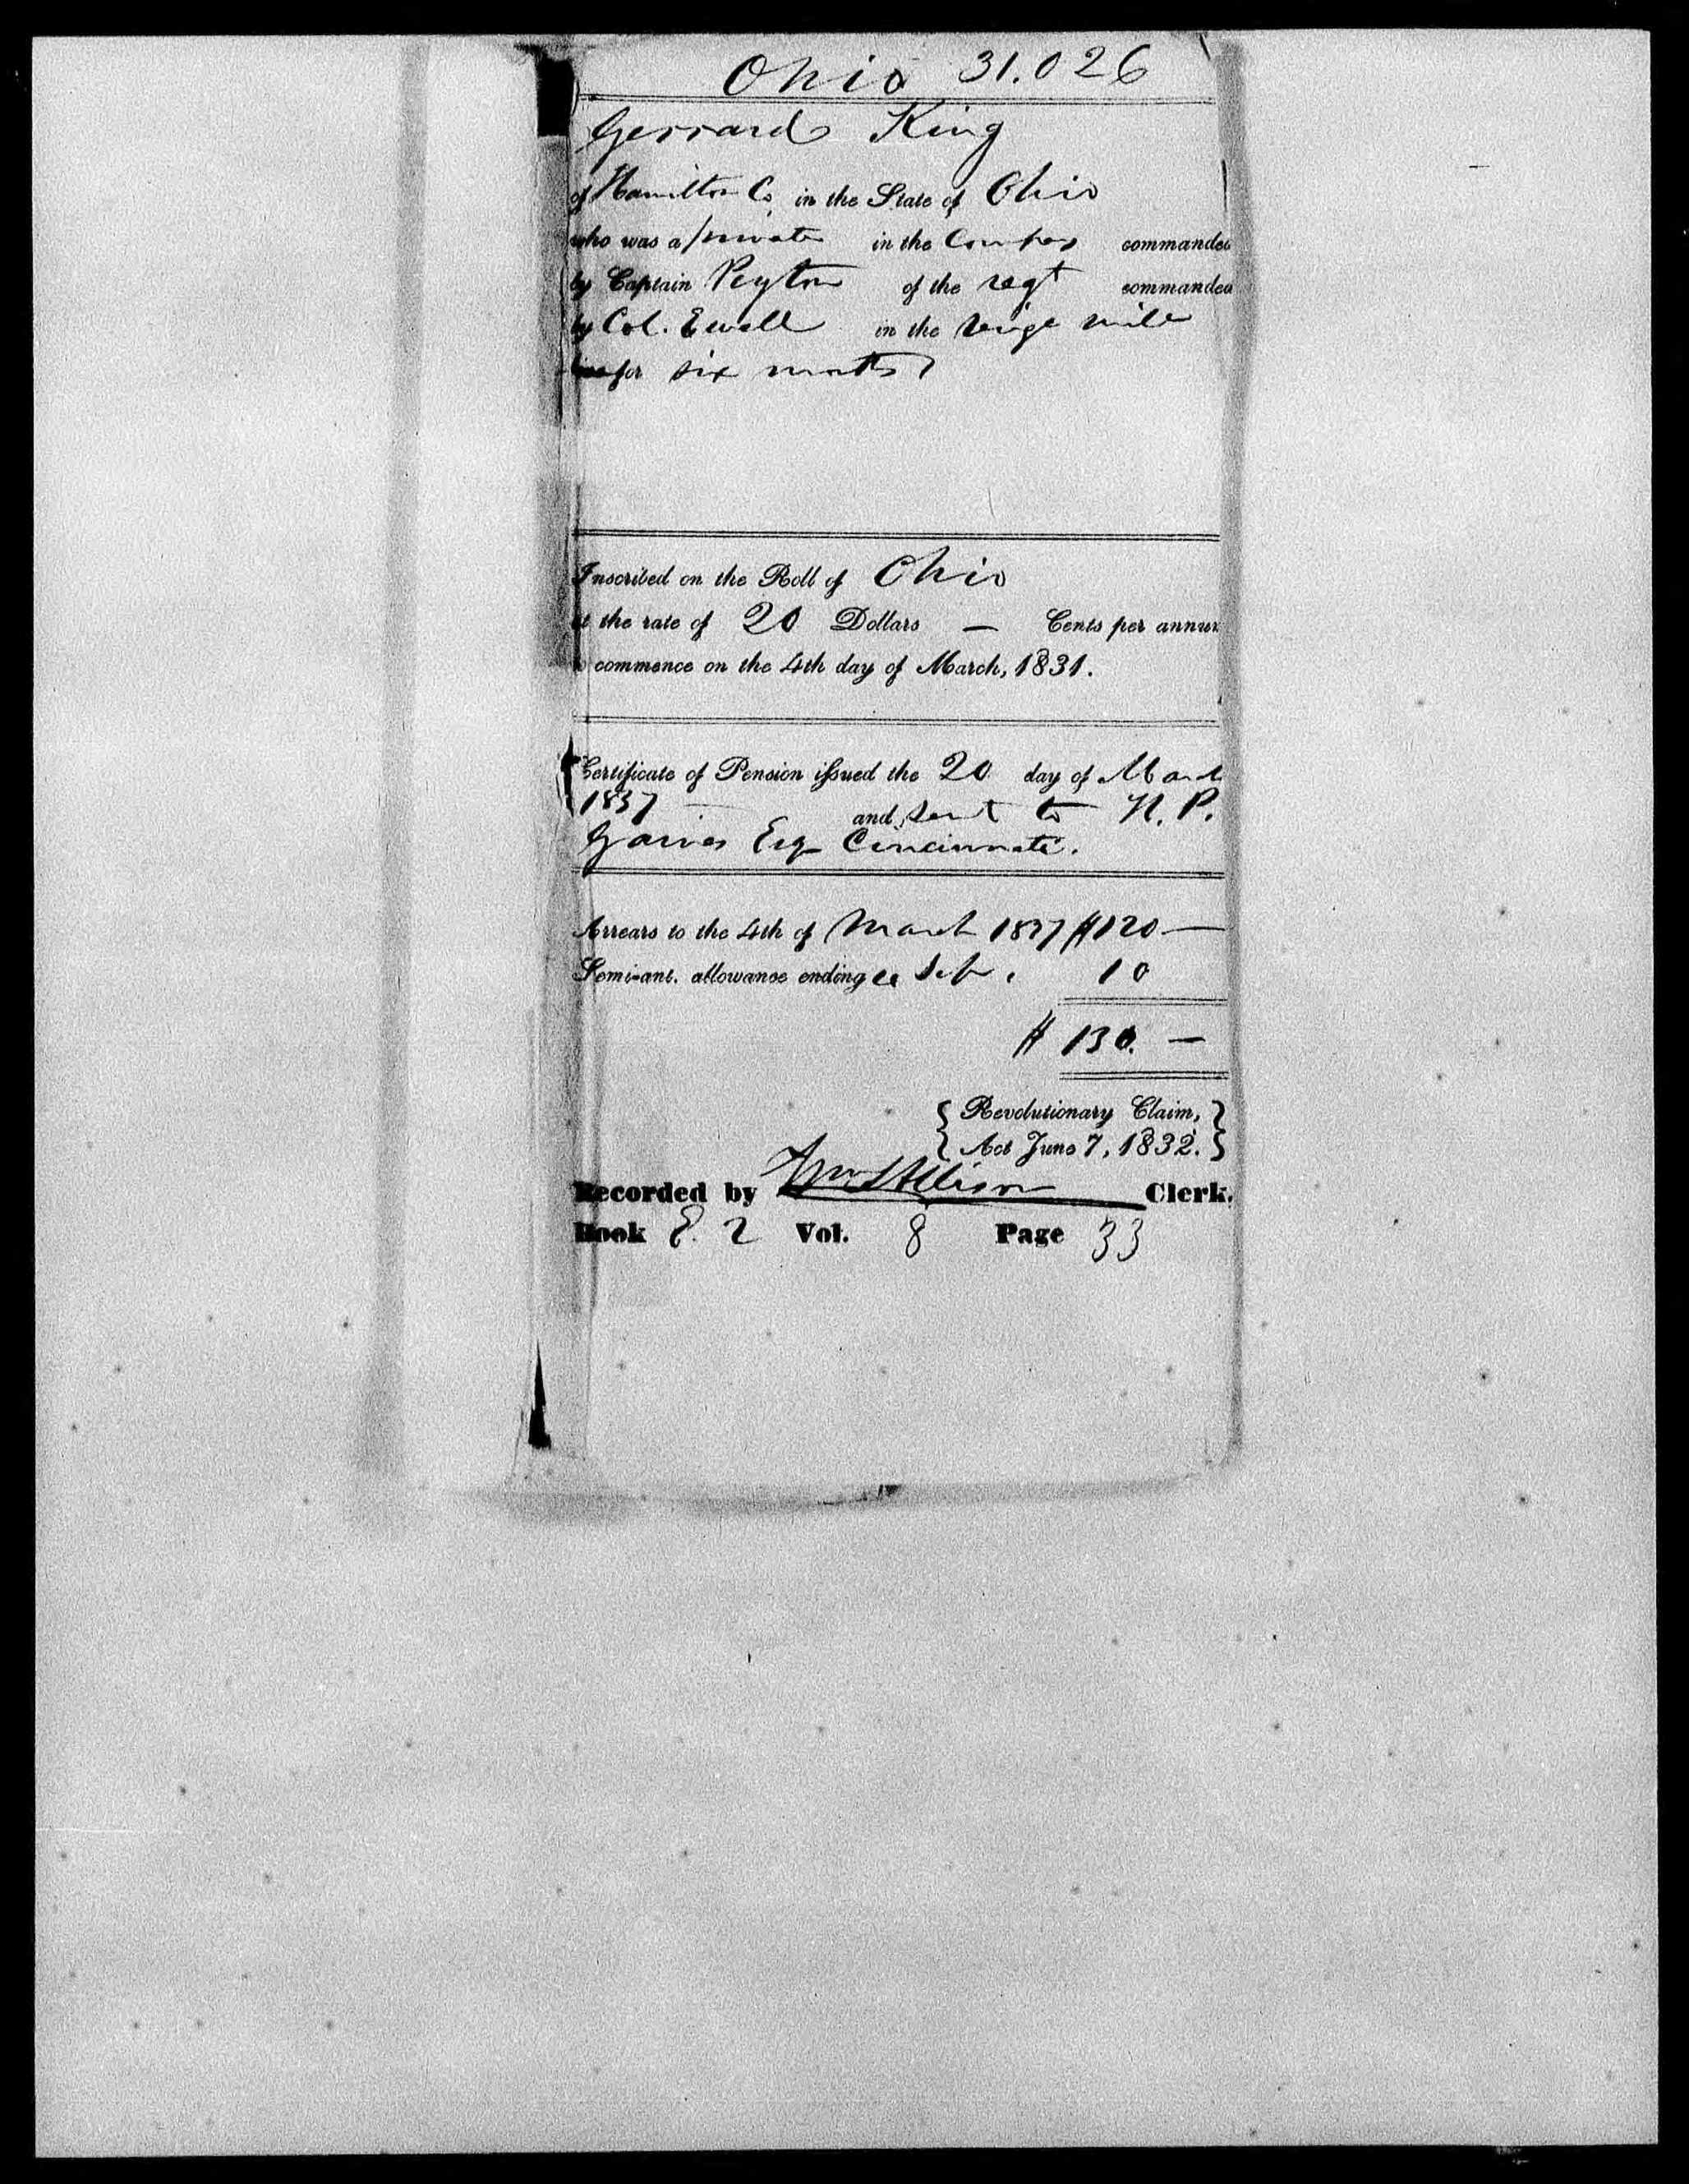Ohio 31.026

Gerrard King
Hamilton Co. in the State of Ohio
who was a private in the Company commanded by Captain Peyton of the Regt commanded by Col. Ewell in the [illegible] for six months

Inscribed on the Roll of Ohio at the rate of 20 Dollars - Cents per annum to commence on the 4th day of march, 1831

Certificate of Pension issued the 20 day of March 1837 and sent to N. P. Gaines Esq Cincinnati

Arrears to the 4th of March 1837
Semi-anl.  allowance ending 4 Feb

$120.00
    10.00
______________
$130.00

Revolutionary Claim, Act June 7, 1832

Recorded by [illegible] Clerk
Book [illegible] Vol. 8 Page 33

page: 2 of 45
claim: widow's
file: W. 7984, for Gerrard King, Virginia